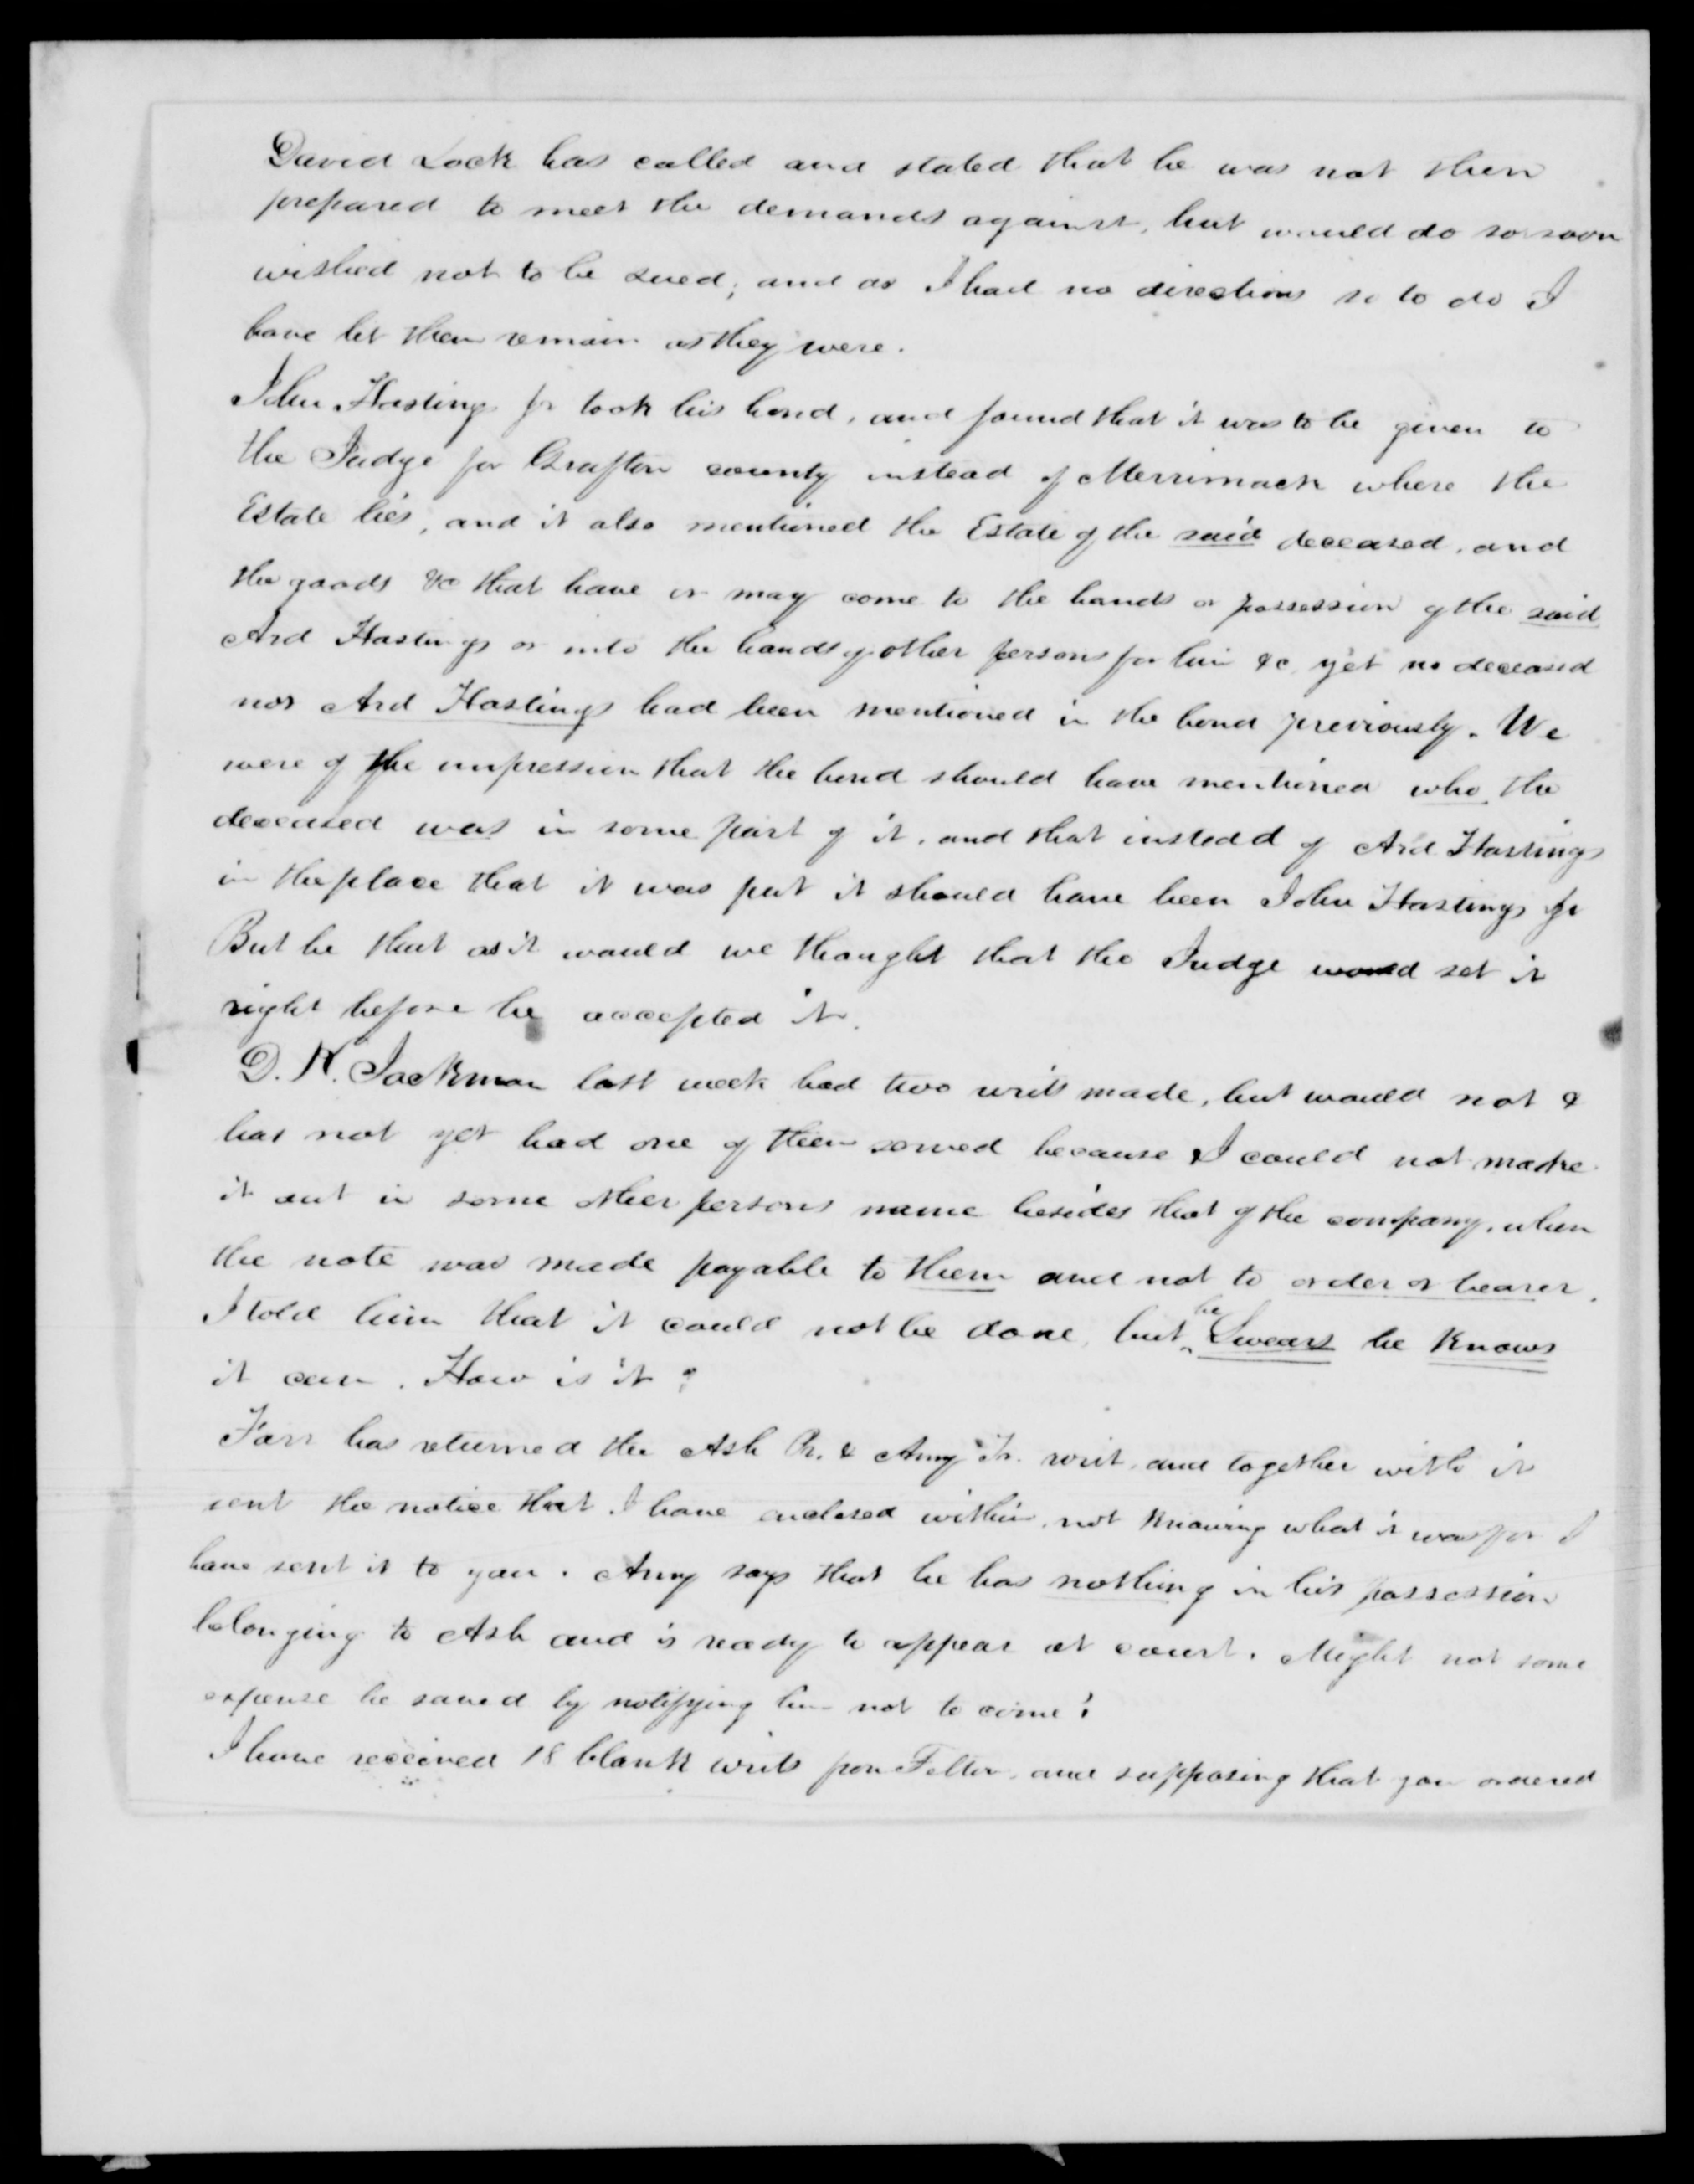David Lock has called and stated that he was not then
prepared to meet the demands against, but would do so soon
wished not to be sued; and as I had no directions so to do I
have let them remain as they were.
John Hastings Jr took his land, and found that it was to be given to
the Judge for Grafton County instead of Merrimack where the
Estate lies, and it also mentioned the Estate of the said deceased, and
the goods &c that have or may come to the hands or possession of the said
Ard Hastings or into the hands of other persons for him &c yet no deceased
nor Ard Hastings had been mentioned in the band previously. We
were of the impression that the band should have mentioned who the
deceased was in some part of it, and that instead of Ard Hastings
in the place that it was put it should have been John Hastings
But he that as it would we thought that the Judge would set in
right before he accepted it
D. H. Jackman last week had two writs made, but would not &
has not yet had one of them sowed because I could not make
it out in some other persons name besides that of the company when
the note was made payable to them and not to order or bearer
I told him that it could not be done, but he swears he knows
it can. How is it?
Farr has returned the Ash R. & Any To writ, and together with it
to the notice that I have entered within not knowing what was for
have sent it to you. Any says that he has nothing in his possession
belonging to Ash and is ready to appear at Court. Might not some
expense be saved by notifying him not to come?
I have received 18 blank writs from Felter and supposing that you ordered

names: Ard Hastings, David Lock, John Hastings, D H Jackman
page: 47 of 78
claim: widow's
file: W. 25856, Samuel Way, N.H.